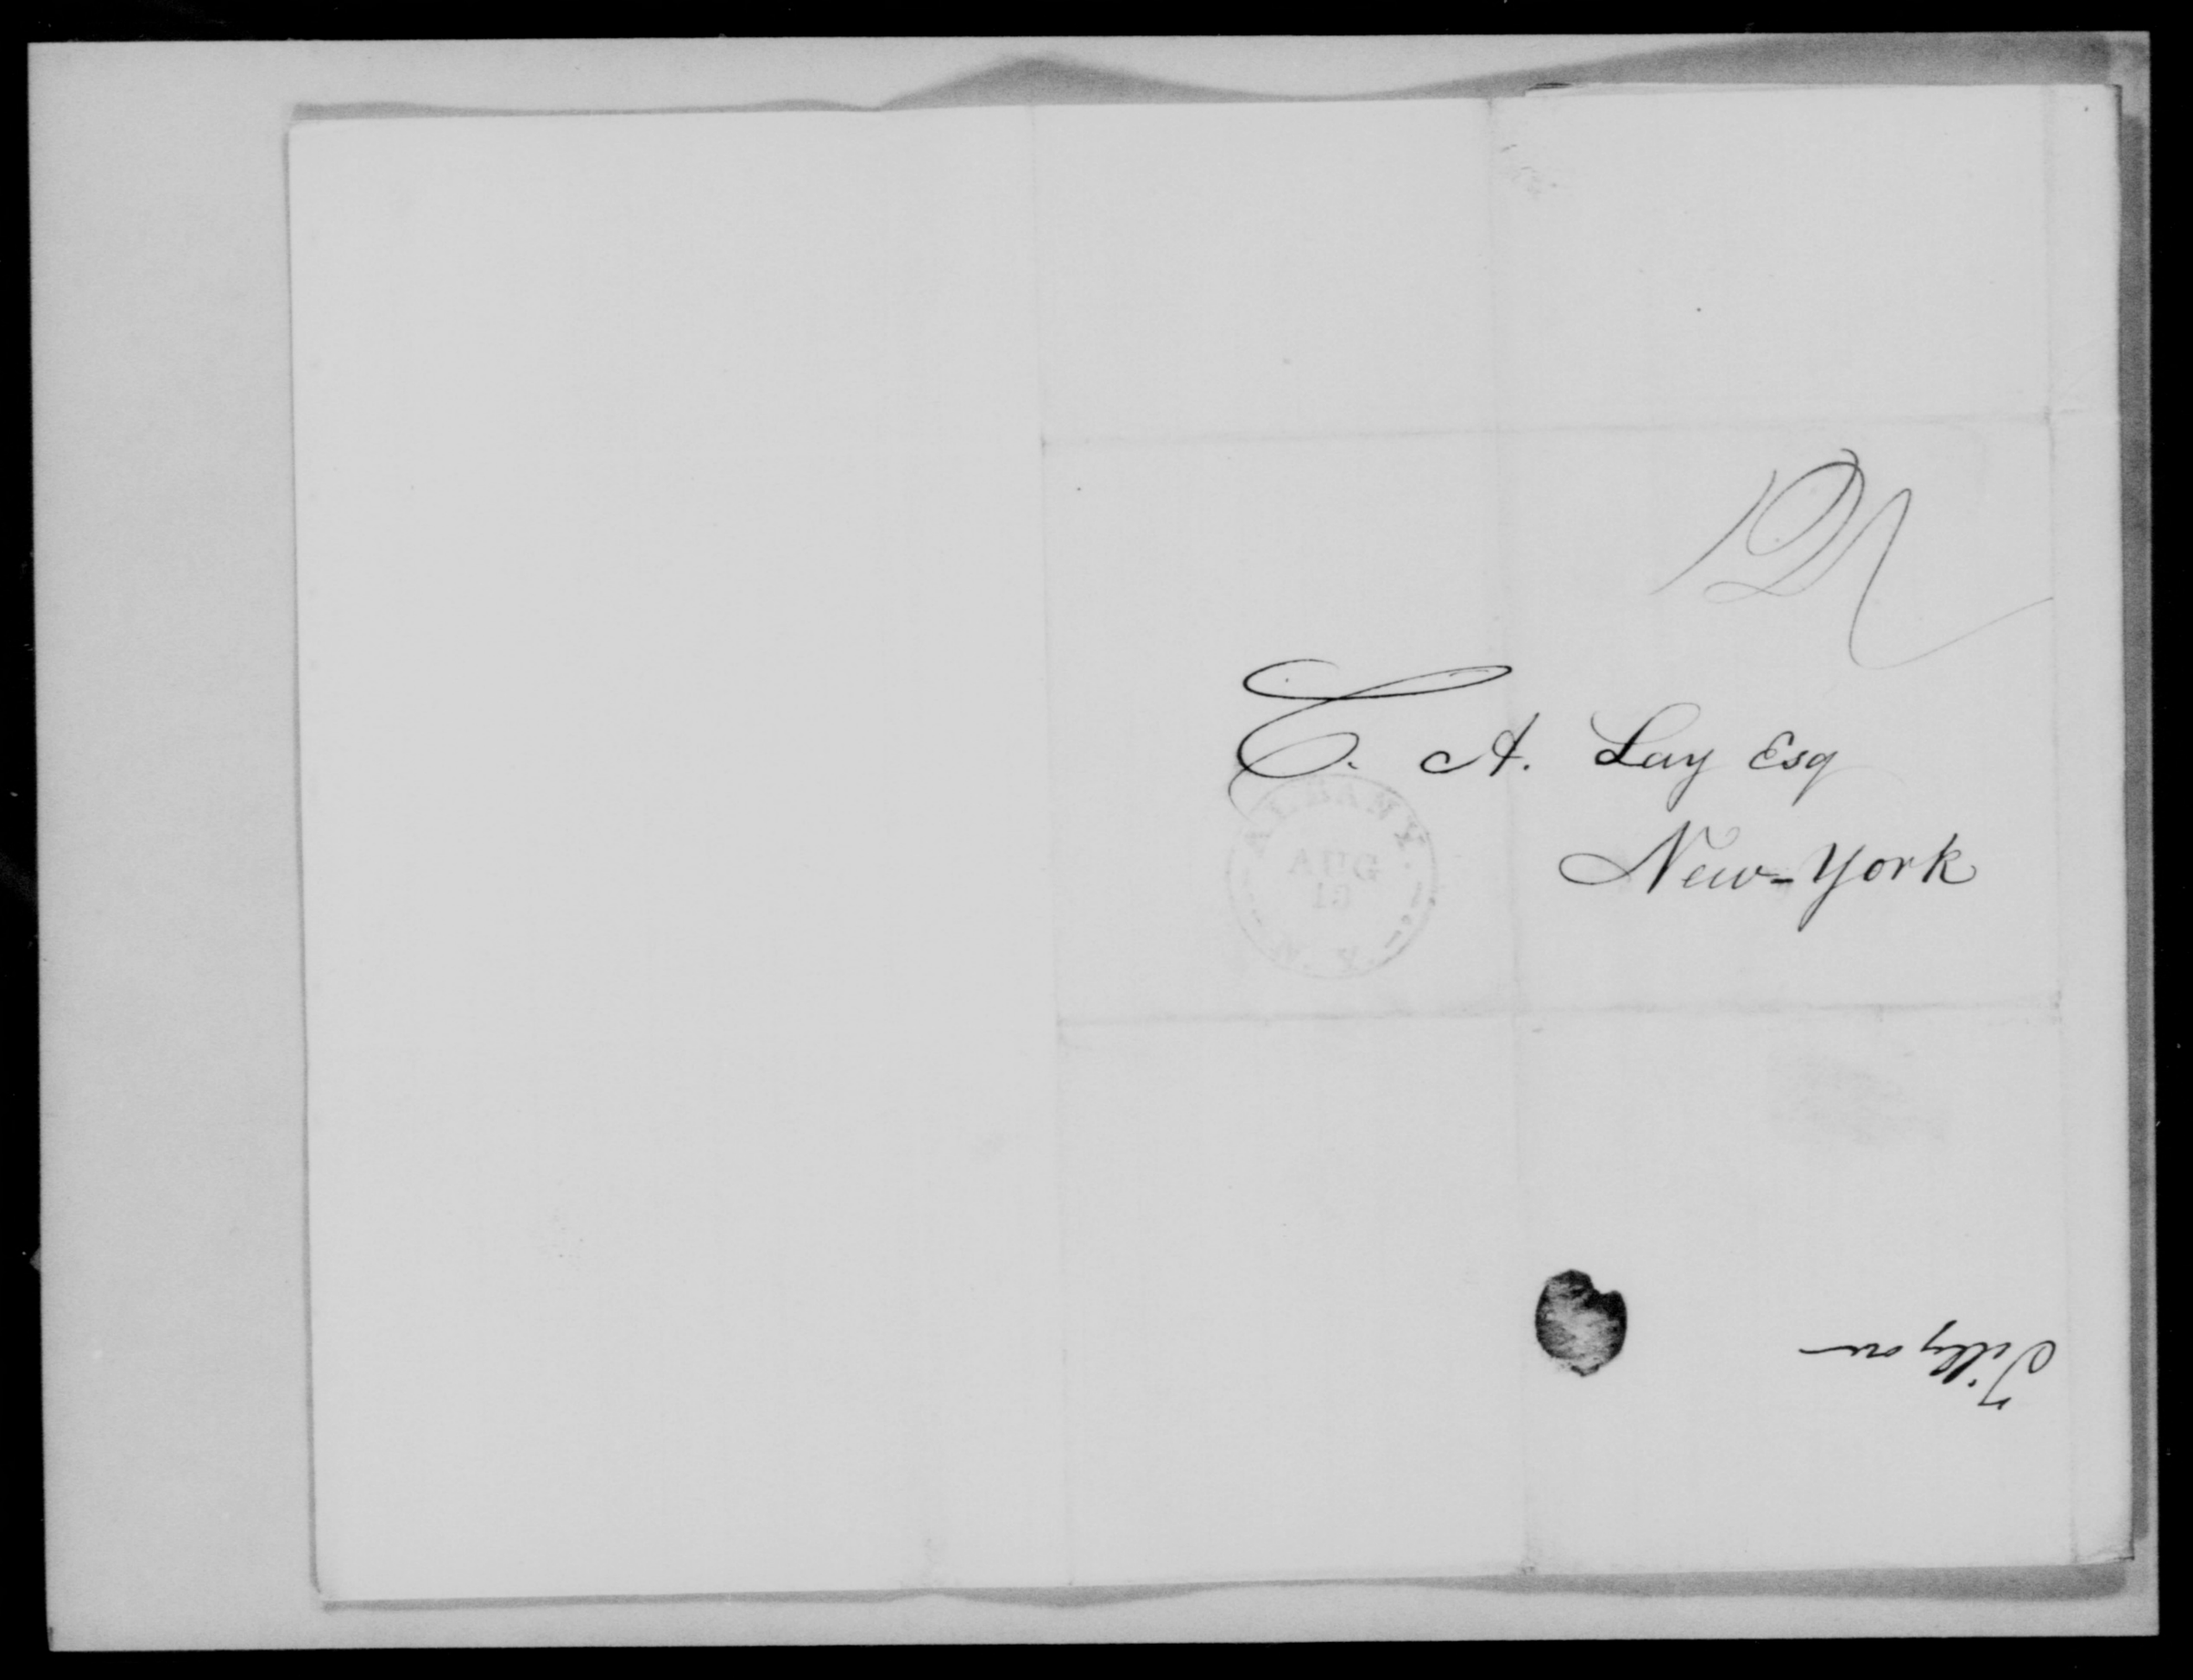C. A. Lay Esq
 New York

[upside down]
Tillyou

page: 76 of 101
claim: widow's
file: W. 25481, for Peter V Tilyou, New Jersey